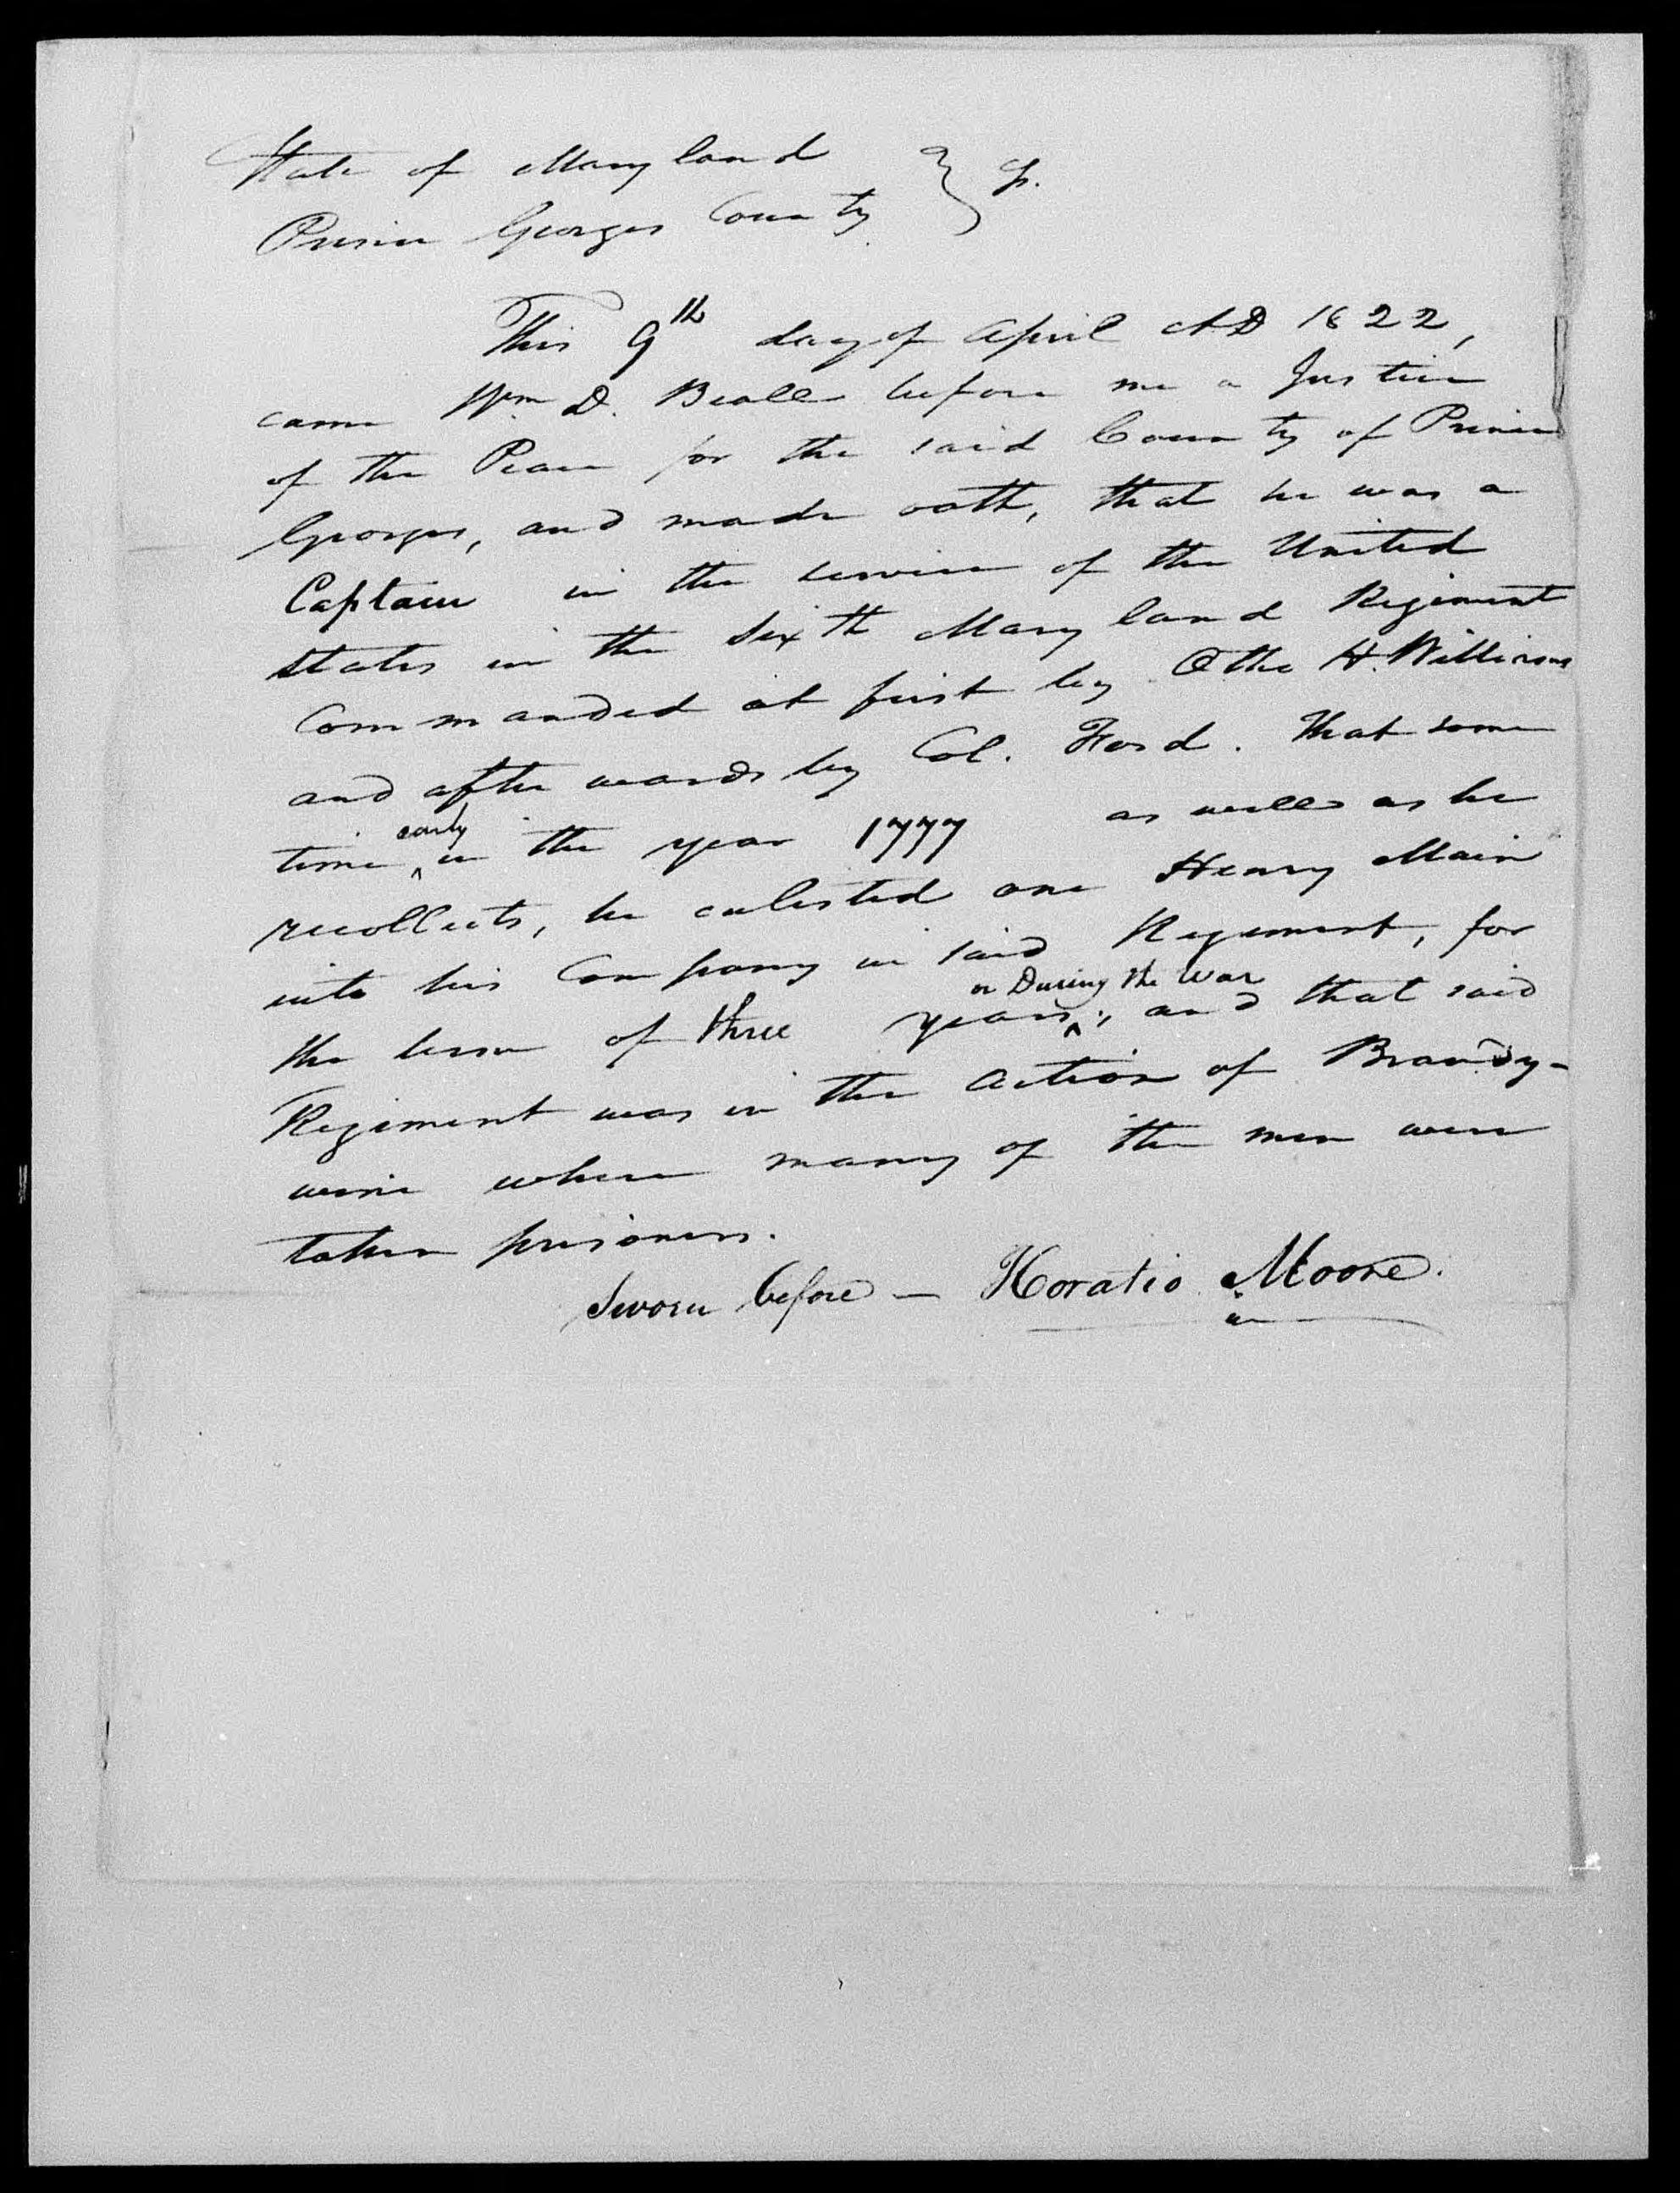State of Maryland
Prince Georges County

This 9th day of April AD 1822
came Wm D. Beall before me a Justice
of the Peace for the said County of Prince
George, and made oath, that he was a
Captain in the service of the United States
in the Sixth Maryland Regiment
Commanded at first by Otho H William
and after wards by Col. Ford
that some time early the year 1777
as well as he recollects, he enlisted one
Henry Main into his company in said Regiment, for the term of three years (or during the War) and that said Regiment was in the action of
Brandywine when many of the men were
taken prisoner

Sworn before Horatio Moore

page: 13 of 13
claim: survivor's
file: S. 41806, for Henry Main, Maryland